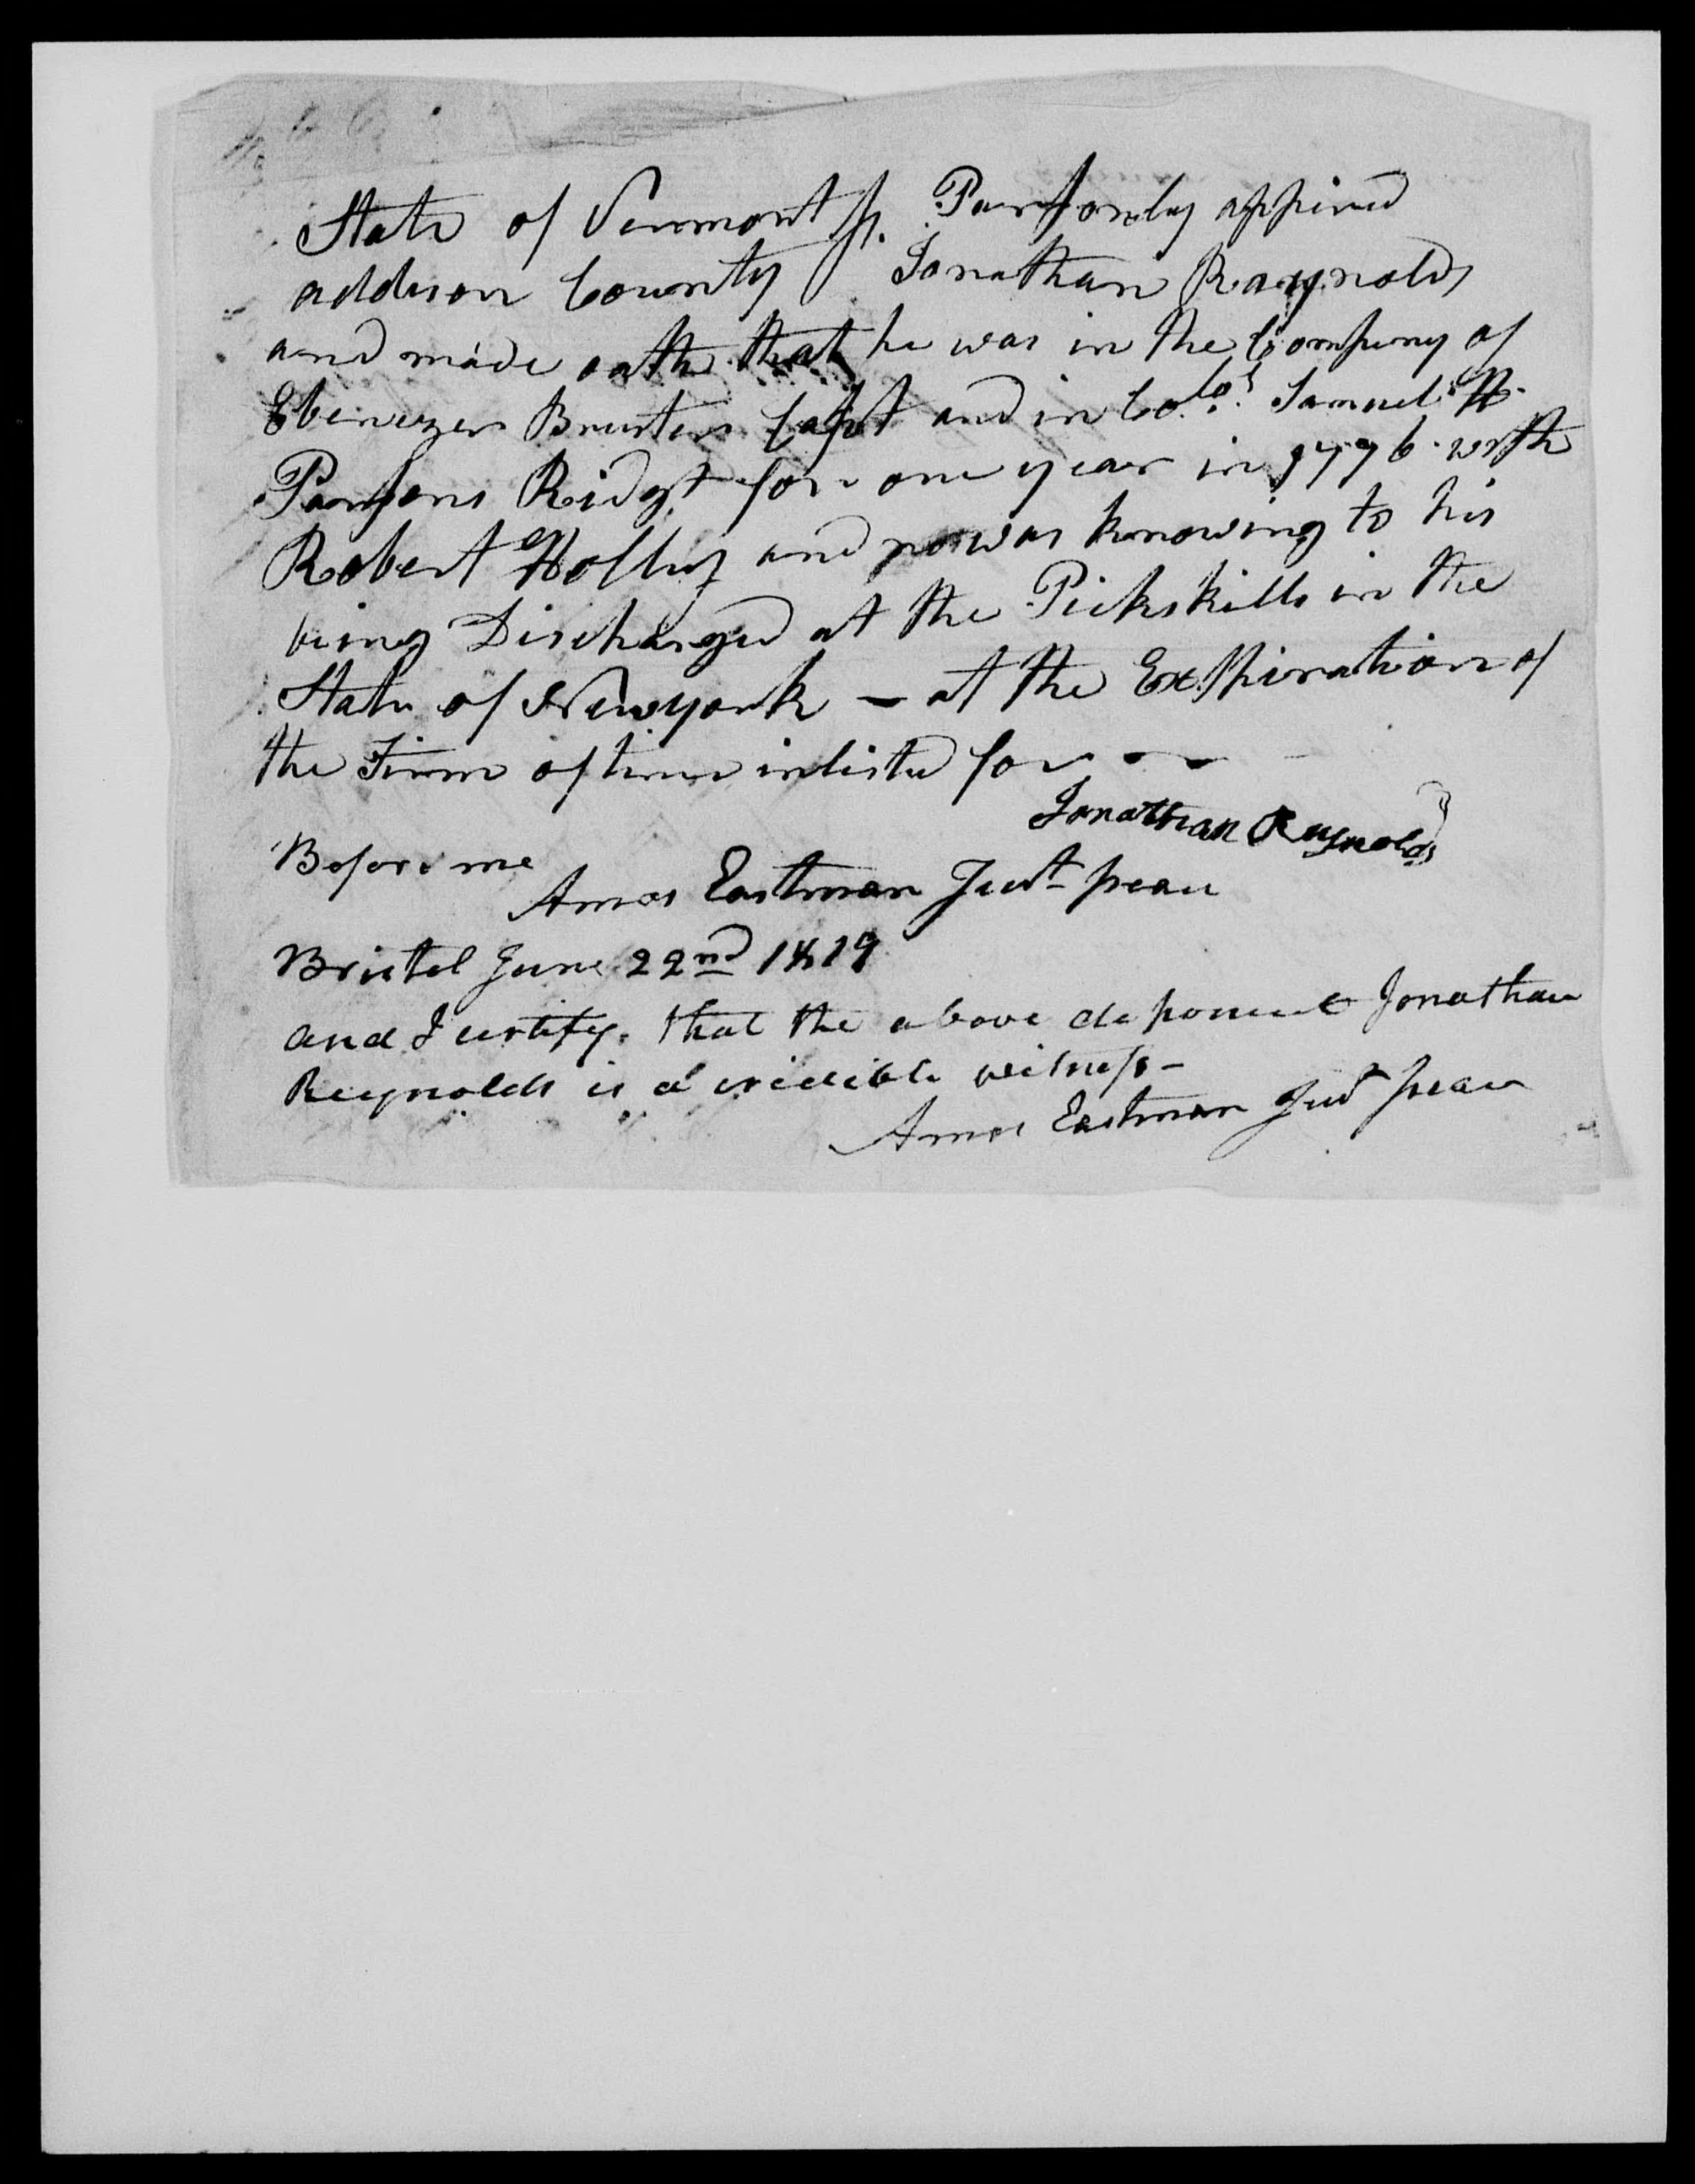State of Vermont
Addison County
Personally appeared
Jonathan Raynolds
and made oath that he was in the Company of
Ebenezer Bruster Capt and in Col Samuel W.
Parsons Regiment for one year in 1776 with
Robert Holley and was knowing to his
being Discharged at the Peekskills in the
State of New York - at the Expiration of
the term of time enlisted for
Jonathan Raynolds
Before me
Amos Eastman Just Peace

Bristol June 22nd 1814
and I certify that the above deponent Jonathan
Raynolds is a credible witness
Amos Eastman J Peace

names: Samuel B Parsons, Ebenezer Bruster, Robert Holley, Jonathan Raynolds, Jonathan Raynolds, Jonathan Reynolds, Amos Eastman, Amos Eastman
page: 21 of 62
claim: widow's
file: W. 21391, Robert Holley, Conn.